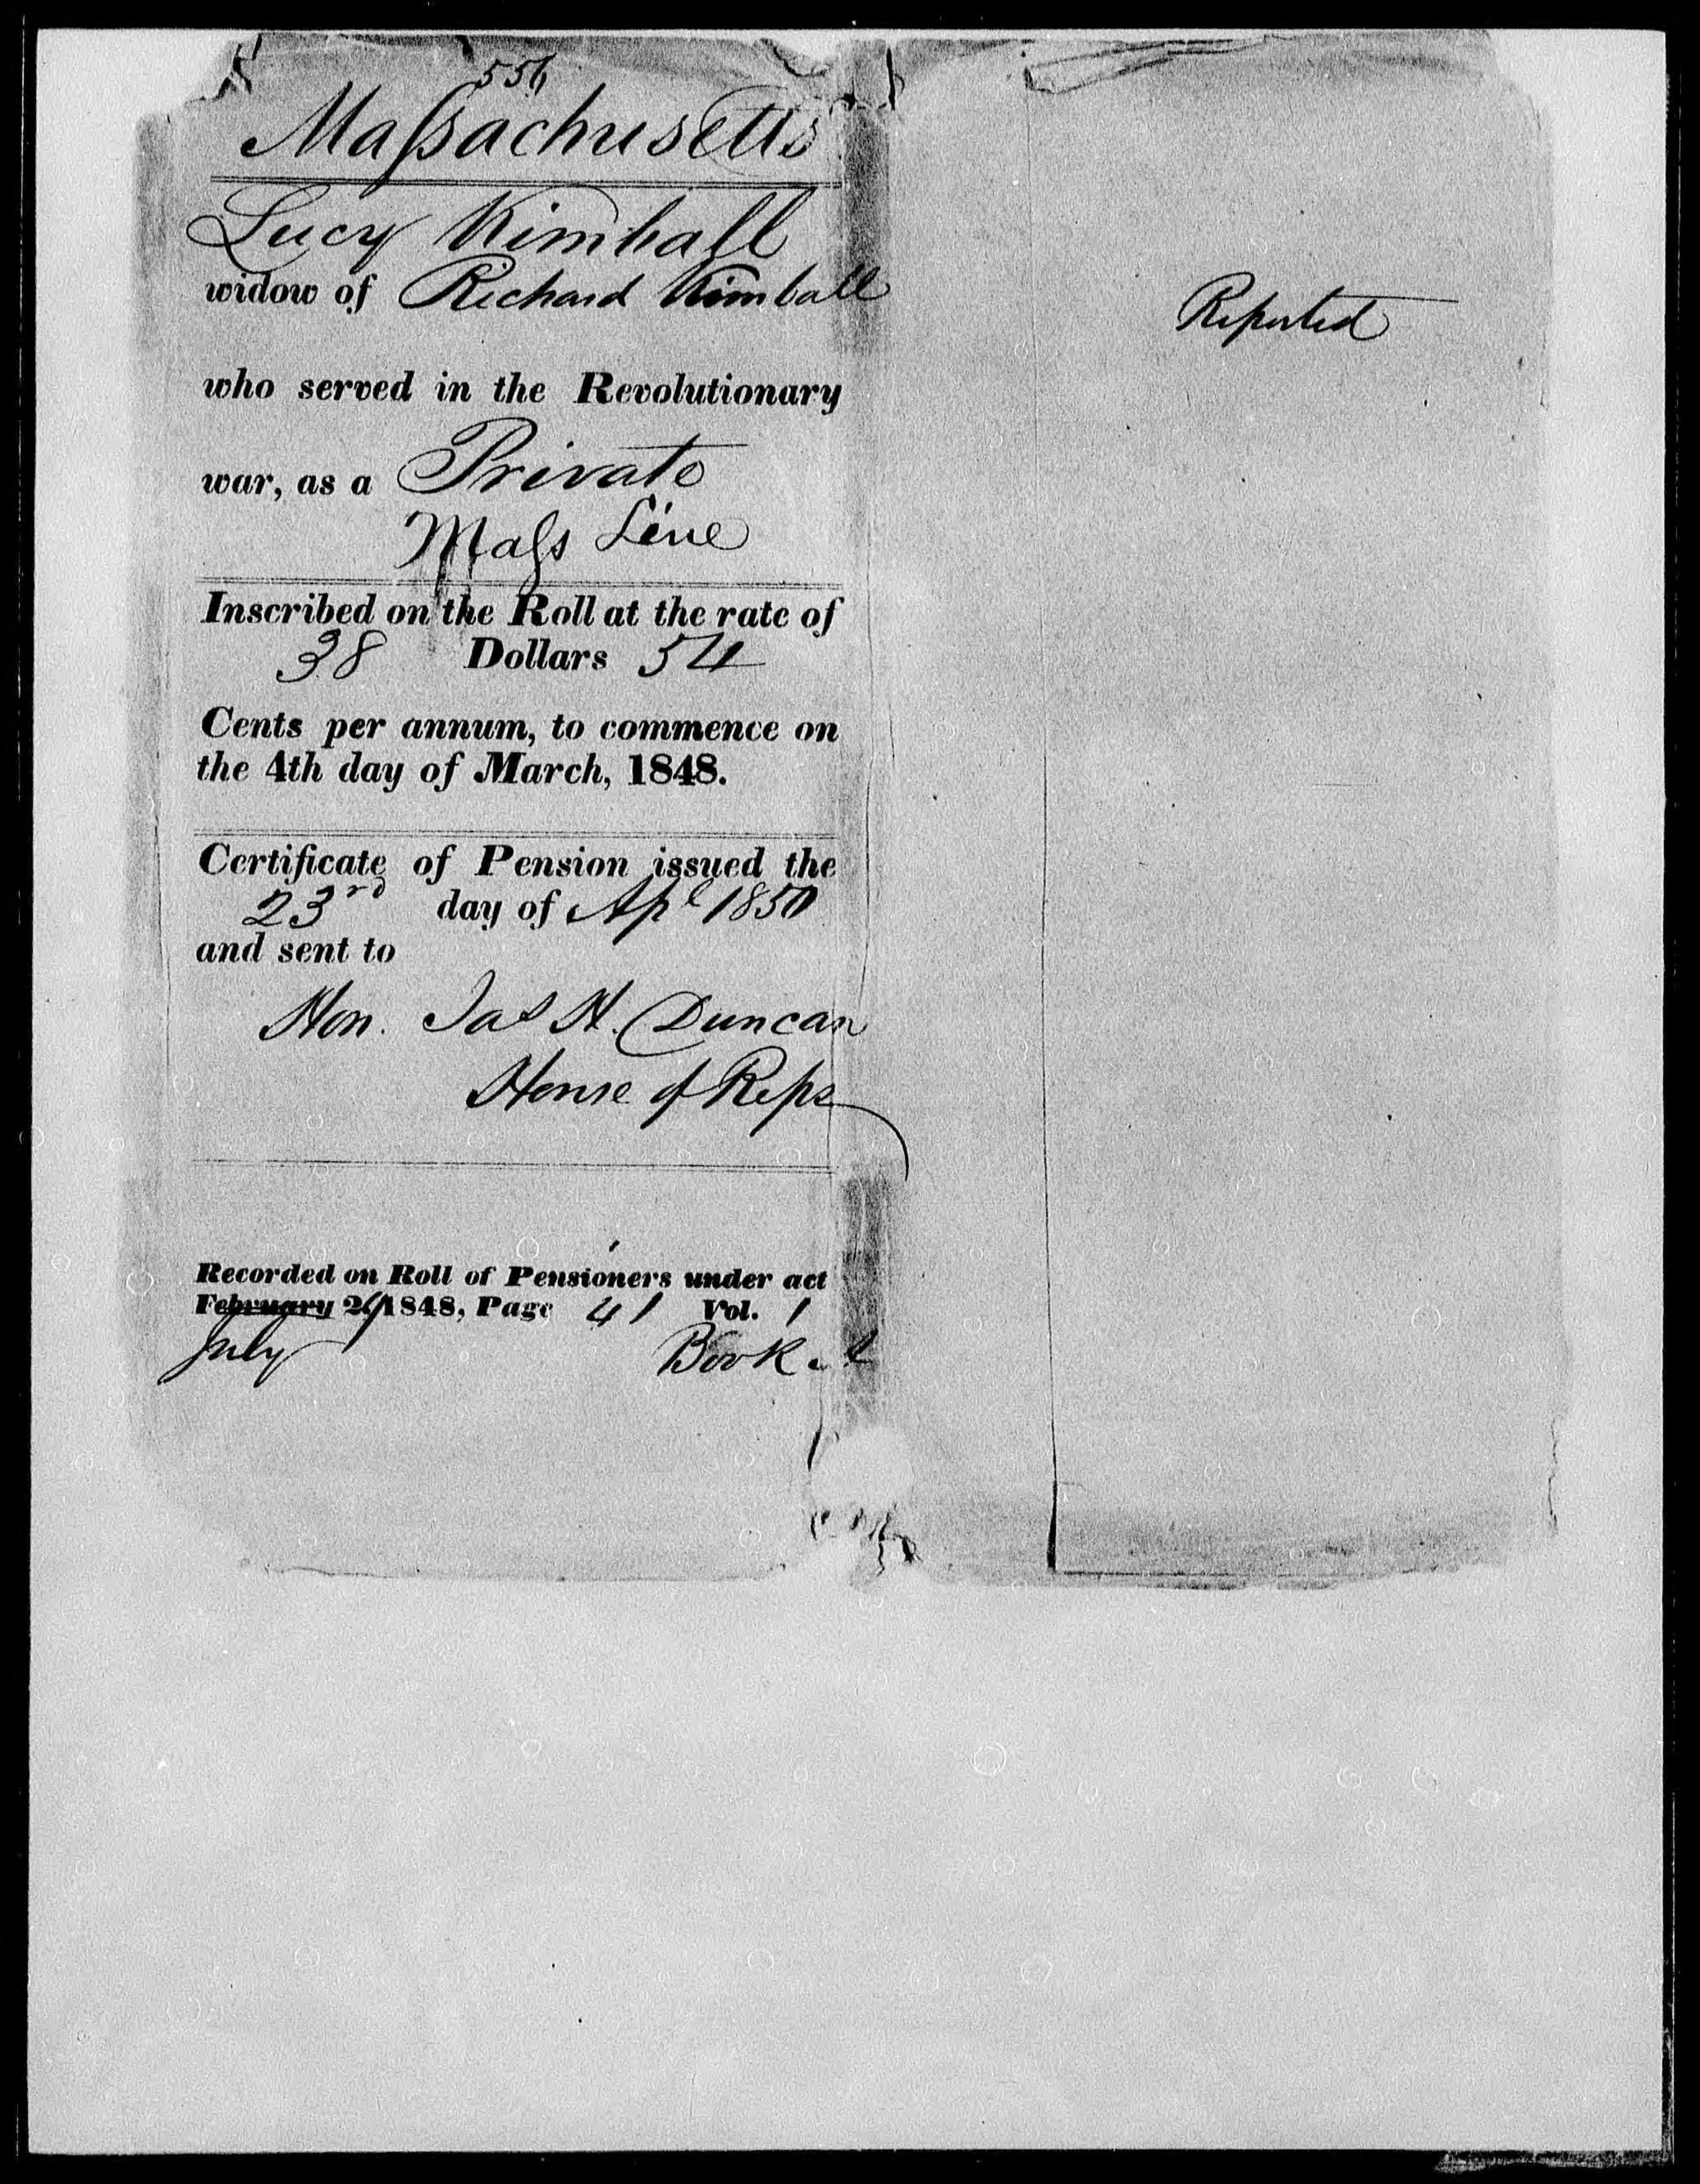(on left side of page)                                                                                (on right side of page)
556
        Massachusetts
=====================
Lucy Kimball
widow of Richard Kimball                                                                              Reported

who served in the Revolutionary
war, as a Private
Mass Line
=============================

Inscribed on the Roll at the rate of
38 Dollars   54
Cents per annum, to commence on
the 4th day of March, 1848.
=============================
Certificate of Pension issued the
23rd day of Apr 1850
and sent to
Hon. Jas H. Duncan
House of Reps
==================================

Recorded on Roll of Pensioners under act
February 24 1848. Page 41 Vol. 1  
July                                                  Book A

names: Jas H Duncan; Richard Kimball; Lucy Kimball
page: 2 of 29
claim: widow's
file: W. 1779, for Richard Kimball, Massachusetts